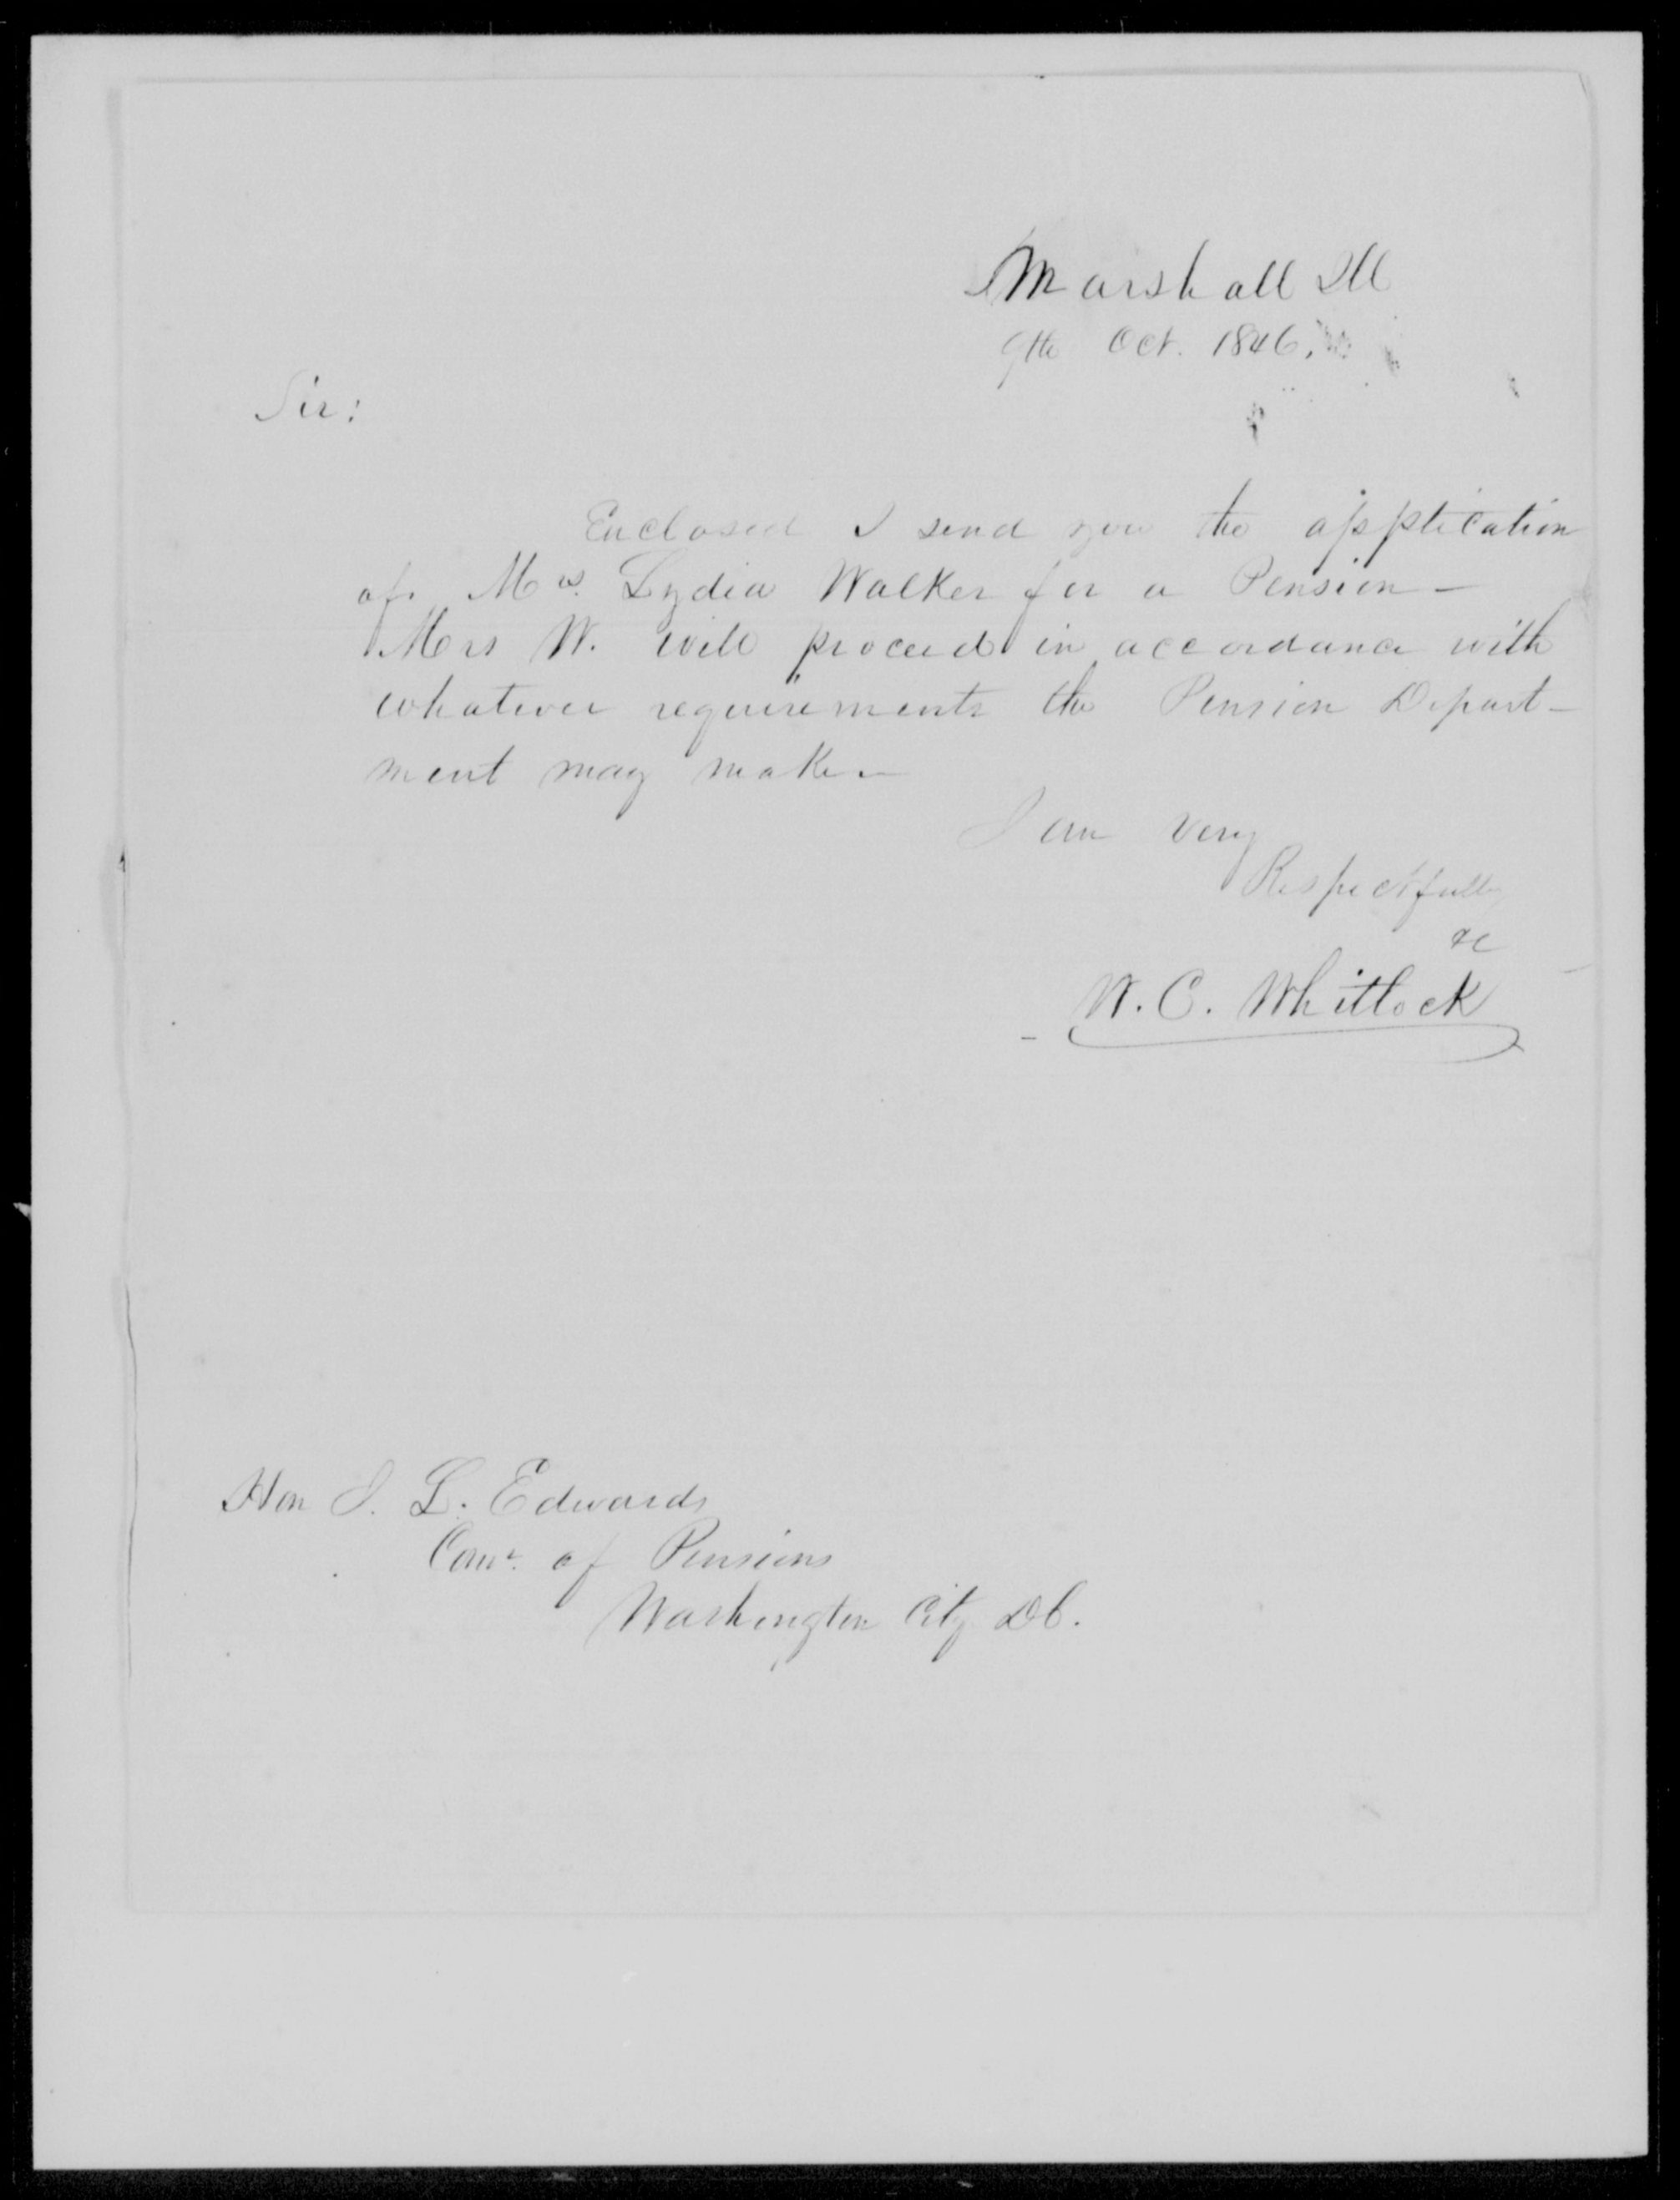Marshall, Ill.
6th Oct. 1846.
Sir:
Enclosed I send you the application of Mrs. Lydia Walker for a Pension- Mrs. W. will proceed in accordance with whatever requirements the Pension Department may make-
I am Very Respectfully,
W. C. Whitlock

Hon J. L. Edwards
Commissioner of Pensions
Washington City D.C.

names: W, Lydia Walker, J L Edwards, W C Whitlock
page: 31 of 37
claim: rejected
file: R. 11047, David Walker, N.C.